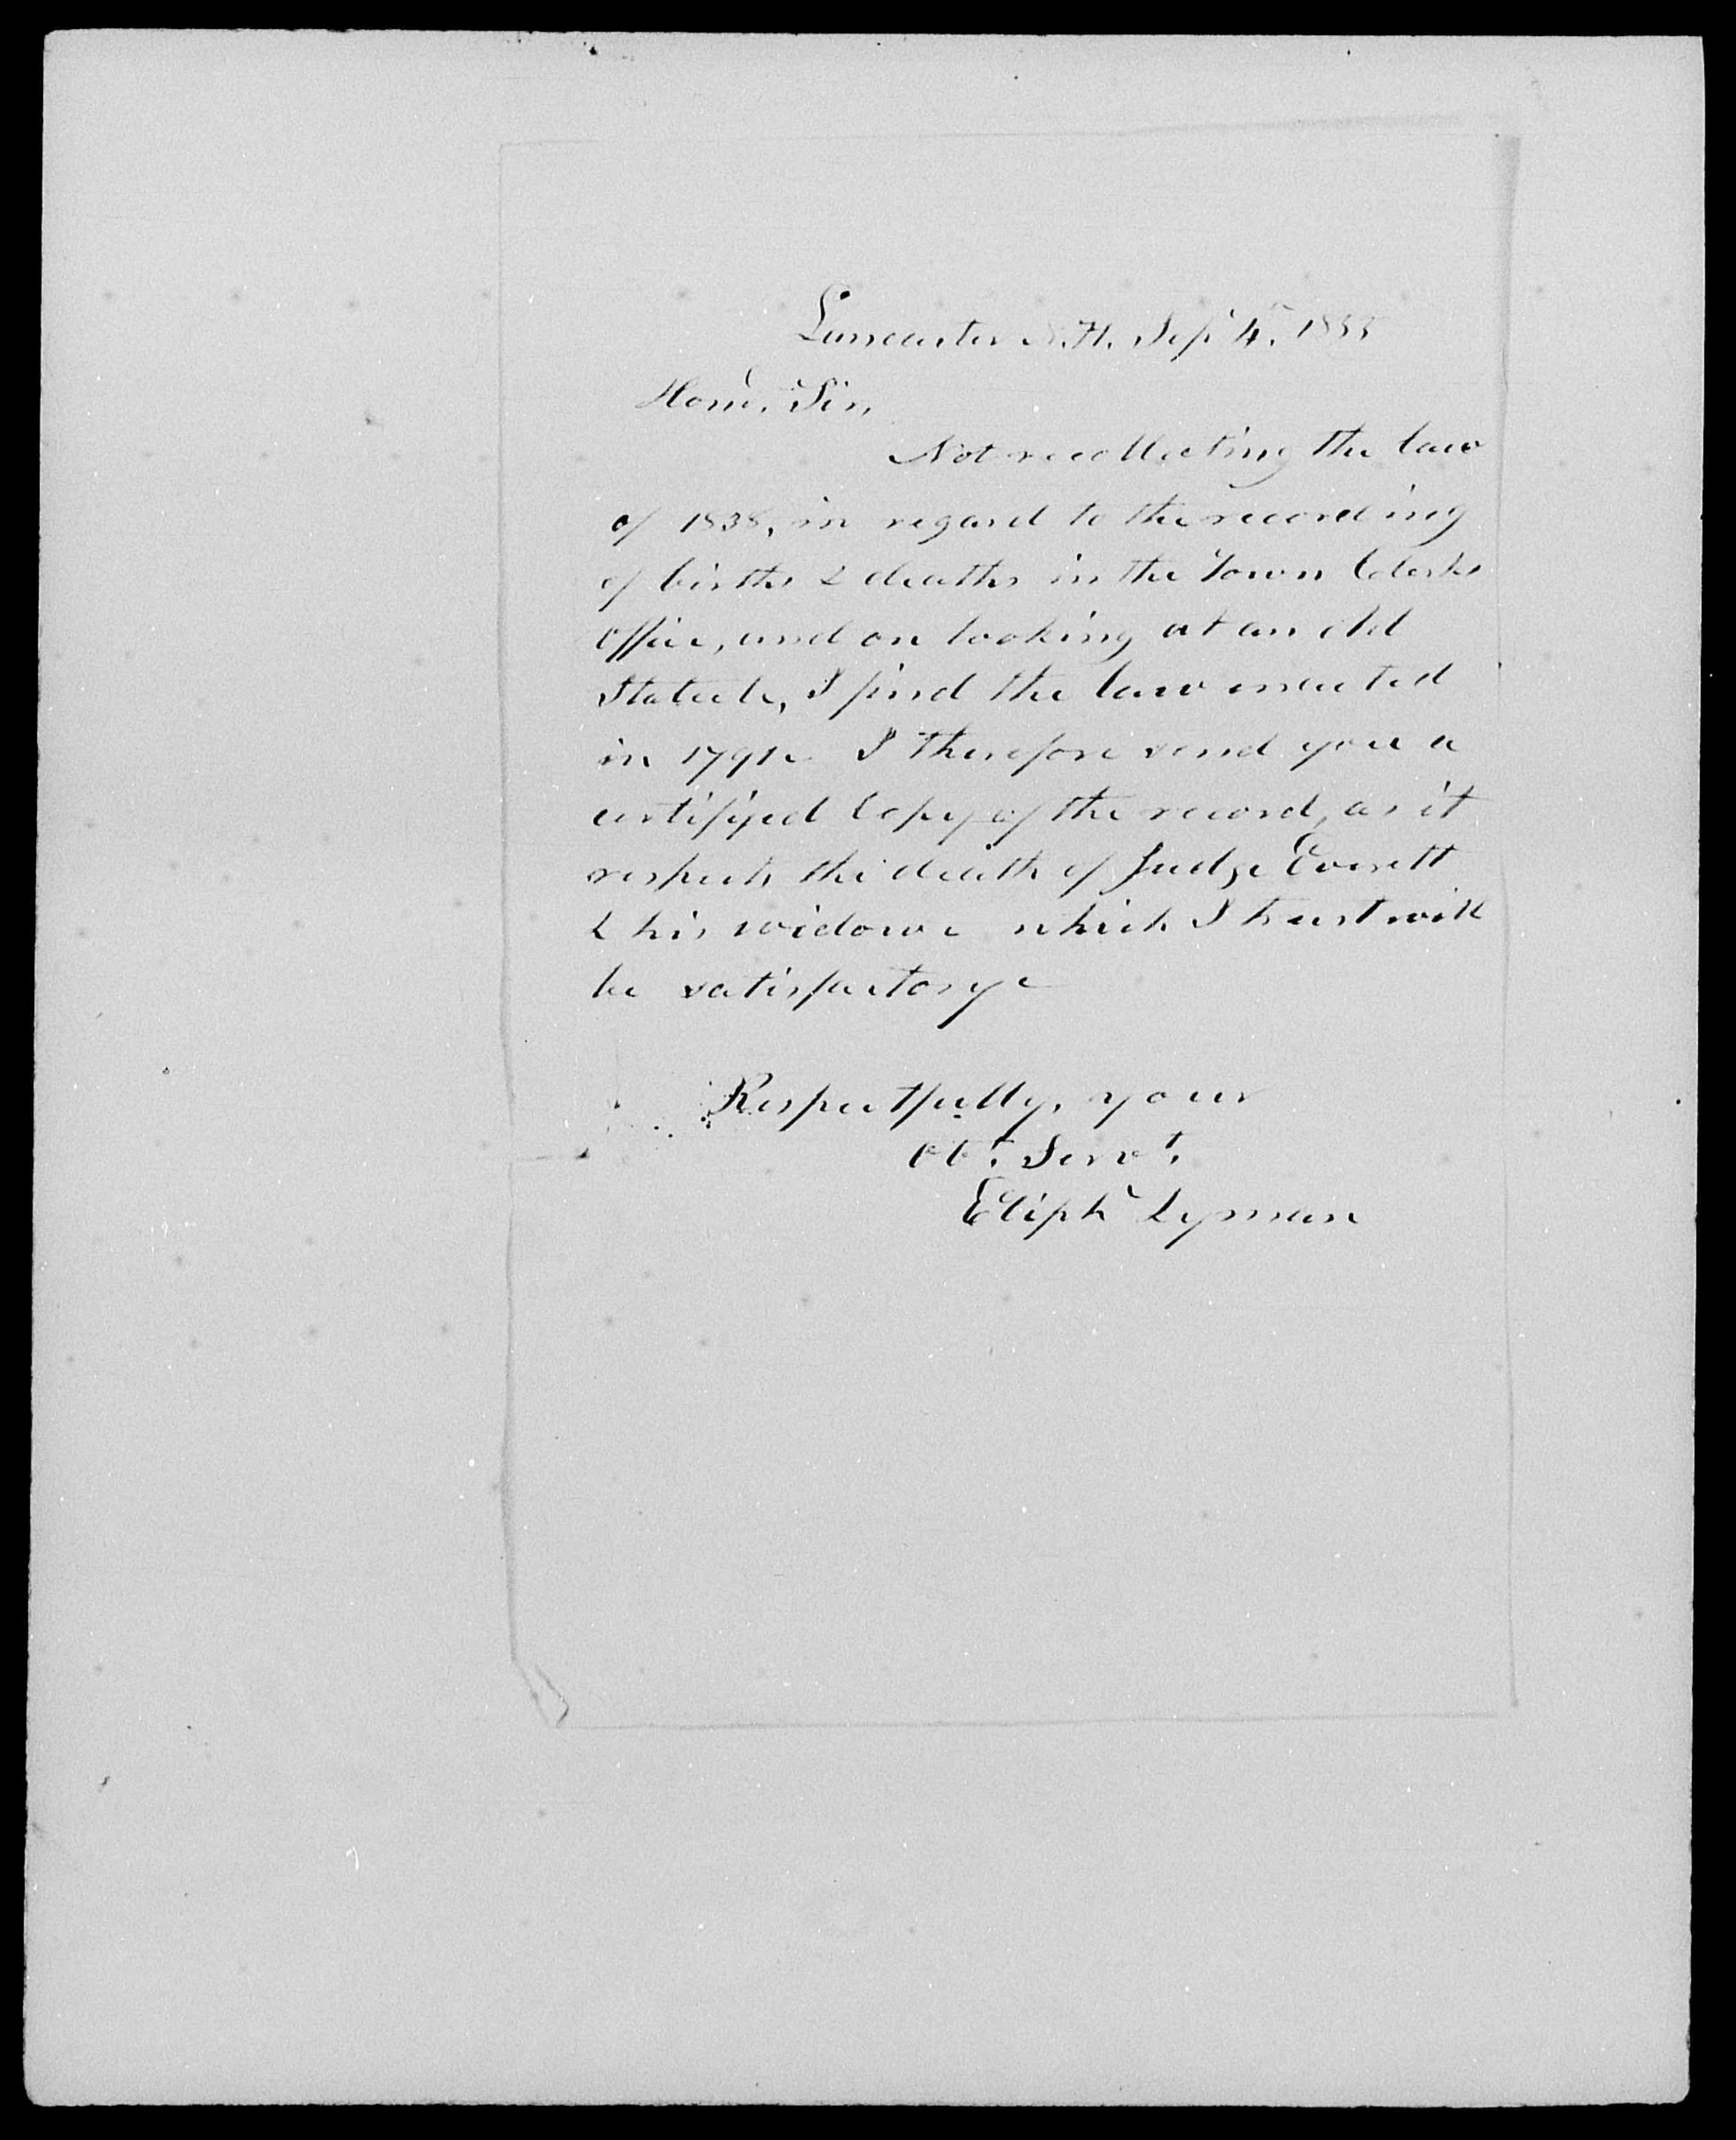Lancaster N.H. Sep 4, 1855
Hond. Sir,
Not recollecting the law of 1838, in regard to the recording of births & deaths in the Town Clerks Office, and on looking at an old Statute, I find the law enacted in 1791. I therefore send you a certified copy of the record, as it respects the death of Judge Everett & his widow, which I trust will be satisfactory.
Respectfully, your Obt. Servt.
Eliph Lyman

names: Everett, Eliph Lyman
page: 23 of 59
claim: widow's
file: W. 23017, Richard Clair Everett, Mass.